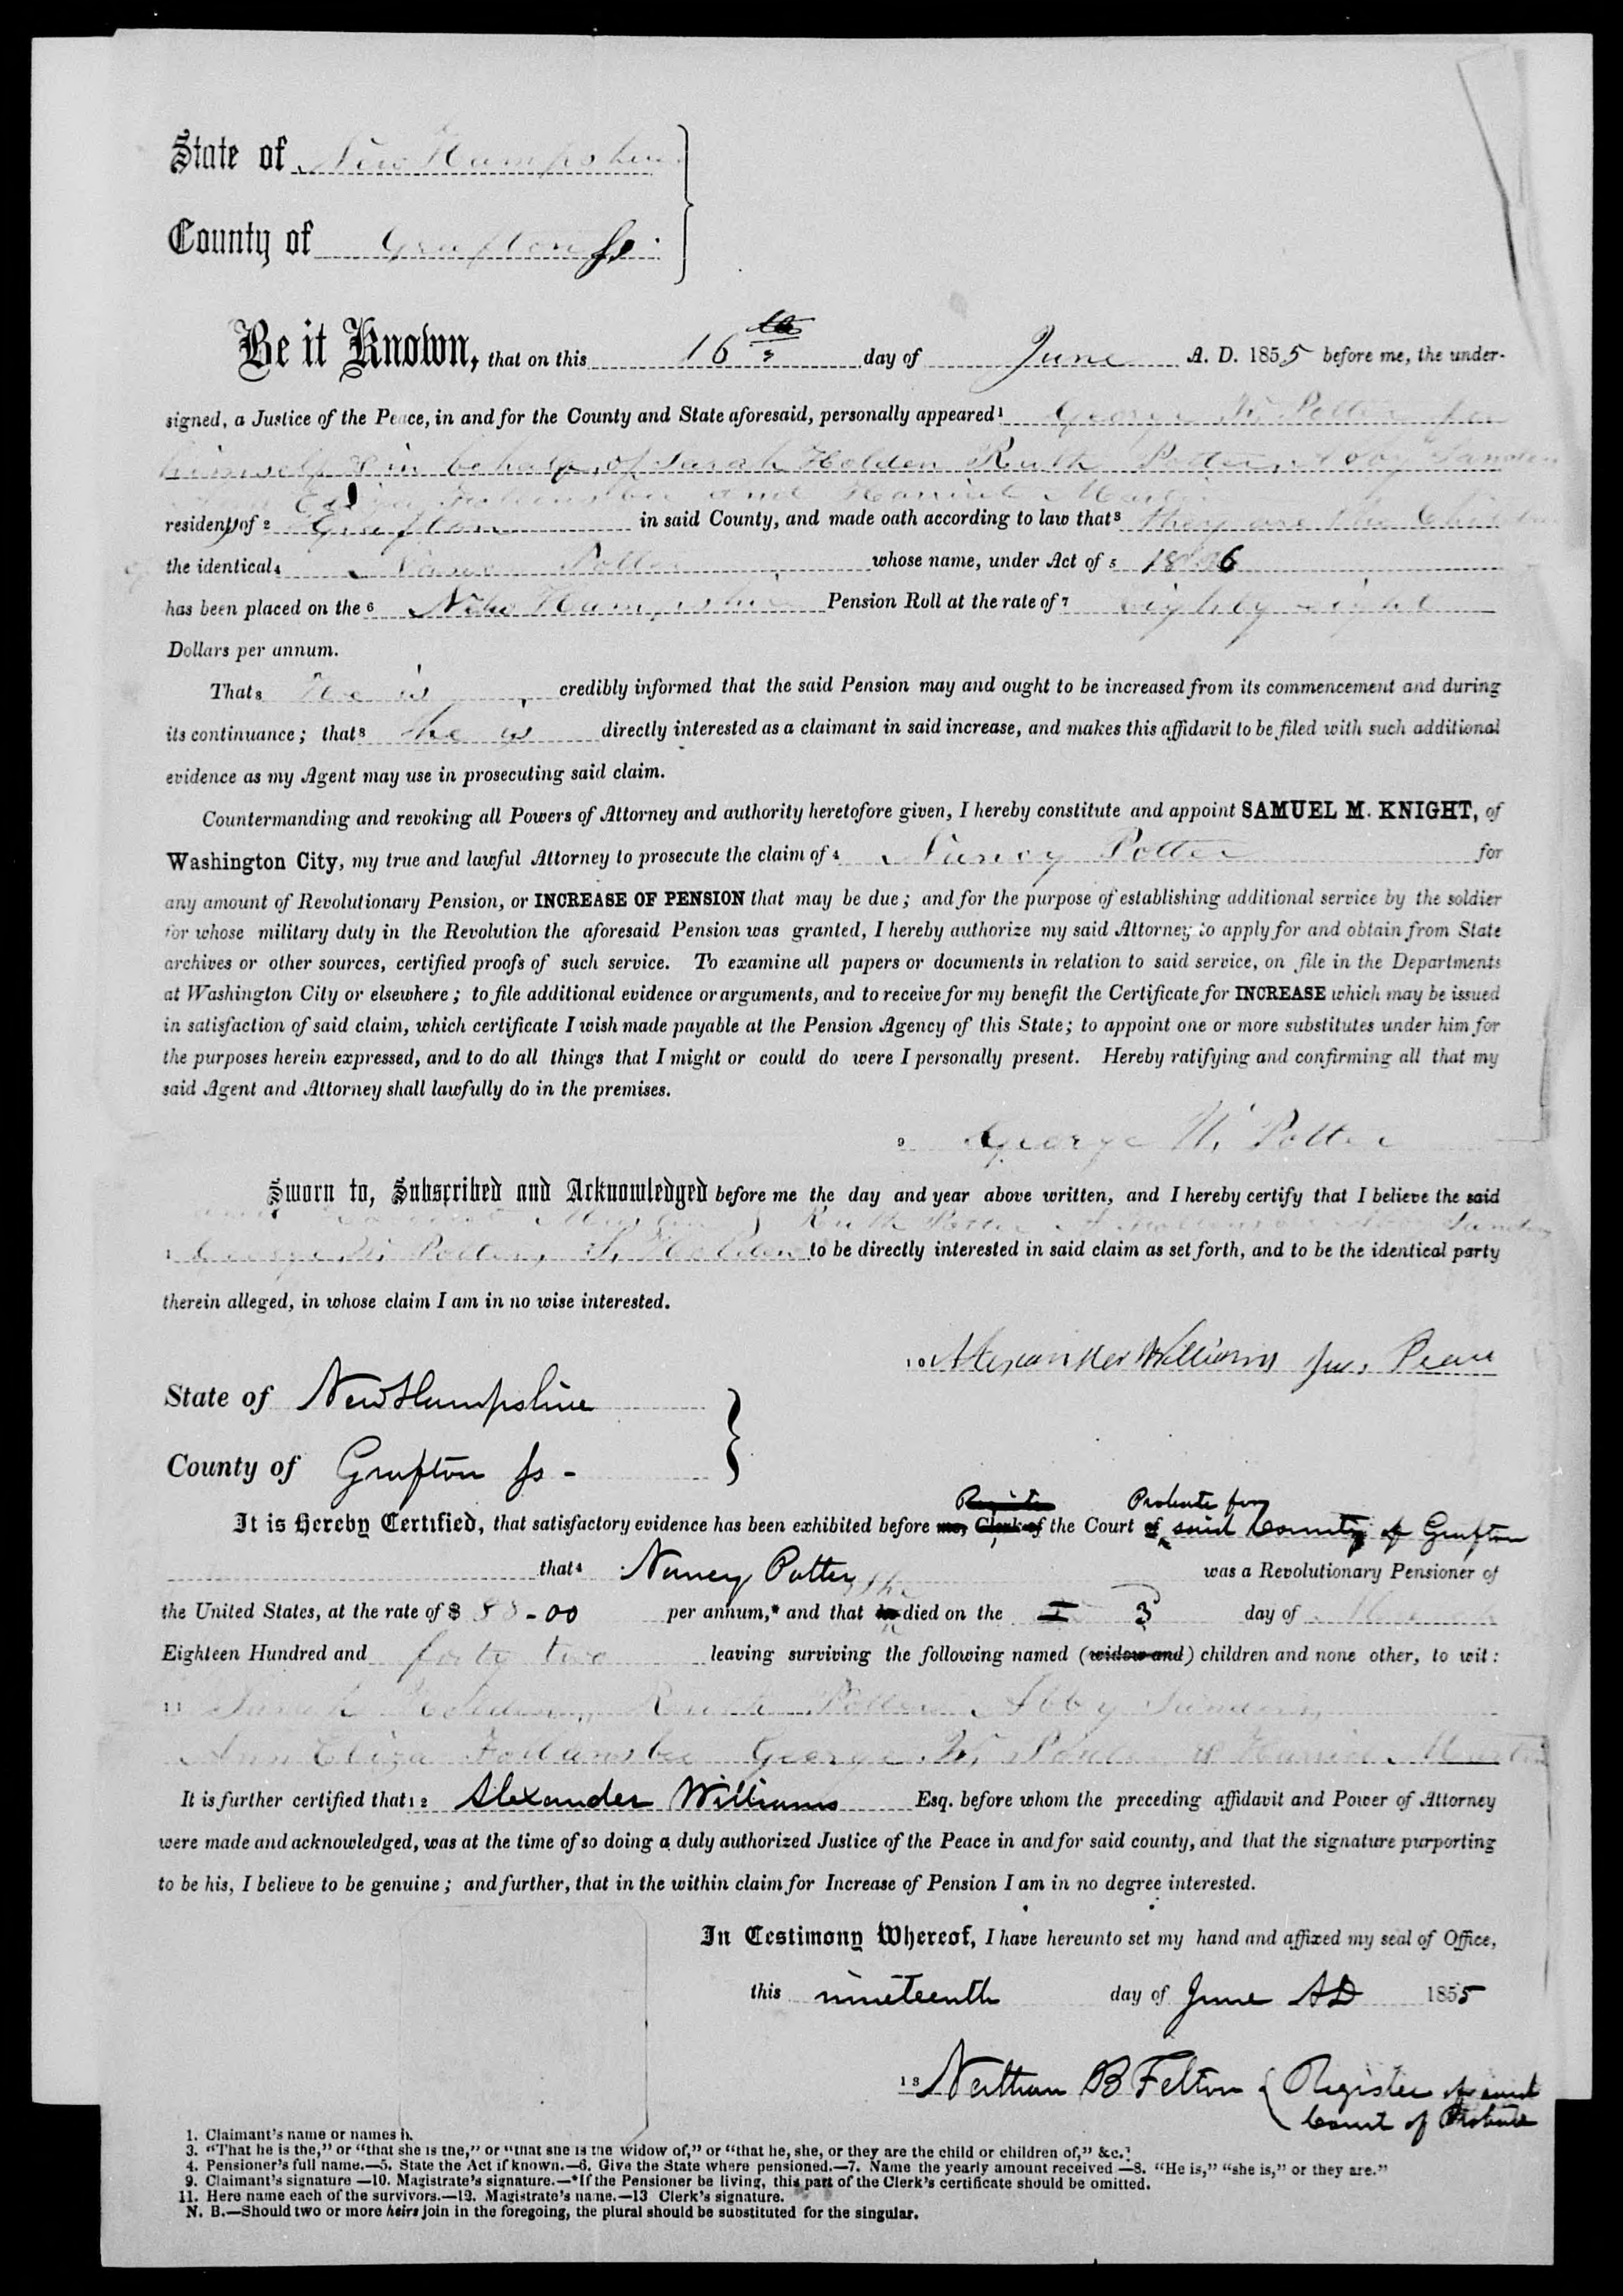State of New Hampshire
County of Grafton
Be it Known, that on this 16th day of June A. D.  1855 before me, the undersigned, a Justice of the Peace in and for the County and State aforesaid, personally appeared George W Potter for himself and in behalf of Sarah Holden Ruth Potter, Abby Sanders, Anne Eliza Follensbee and Harriet Martin resident of Grafton in said County, and made oath according to law that they are the children  the identical [illegible] Potter whose name under Act of 1836 has been placed on the New Hampshire Pension Roll at the rate of 
Eighty Eight Dollars per annum.
  That he is  credibly informed that the said Pension may and ought to be increased from its commencement and during its continuance; that he is directly interested as a claimant in said increase, and makes this affidavit to be filled with such additional evidence as my Agent may use in prosecuting said claim.
  Countermanding and revoking all Powers of Attorney and authority heretofore given, I hereby constitute and appoint SAMUEL M. KNIGHT, of Washington City, my true and lawful Attorney to prosecute the claim of Nancy Potter for any amount of Revolutionary Pension, or INCREASE OF PENSION that may be due; and for the purpose of establishing additional service by the soldier for whose military duty in the Revolution the aforesaid Pension was granted, I hereby authorize my said Attorney to apply for and obtain from State archives or other sources, certified proofs of such service.  To examine all papers or documents in relation to said service, on file in the Departments at Washington City or elsewhere; to file additional evidence or arguments, and to receive for my benefit the Certificate for INCREASE which may be issued
in satisfaction of said claim, which certificate I wish made payable at the Pension Agency of this State; to appoint one or more substitutes under him for the purposes herein expressed, and to do all things that I might or could do were I personally present. Hereby ratifying and confirming all that my said Agent and Attorney shall lawfully do in the premises.
George W. Potter

Sworn to, Subscribed and Acknowledged before me the day and year above written, and hereby certify that I believe the said 
Ruth Potter, Abby Sanders, N. Potter, S. Holden
to be directly interested in said claim as set forth, and to be the identical party therein alleged, in whose claim I am in no wise interested.
State of New Hampshire
County of Grafton 

Alexander Williams Jus. Peace
Probate for
It is hereby certified, that satisfactory evidence has been exhibited before the Court of Probate for said County of Grafton that Nancy Potter was a Revolutionary Pensioner of
the United States, at the rate of $88.00 per annum, and that died on the 3 day of March 
Eighteen Hundred and forty two leaving surviving the following named children and none other, to wit:
Sarah Holden, Ruth Potter, Abby Sanders
Ann Eliza Follensbee, George W. Potter & Henrietta Martin 
  It is further certified that Alexander Williams Esq. before whom the preceding affidavit and Power of Attorney were made and acknowledged, was at the time of so doing a duly authorized Justice of the Peace in and for said county, and that the signature purporting
to be his, I believe to be genuine; and further, that in the within claim for Increase of Pension I am in no degree interested.
In Testimony Whereof, I have hereunto set my hand and affixed my seal of Office, this nineteenth day of June AD 1855
Nathan B Felton
Register of Court of Probate
1. Claimant's name or names
3. "That he is the," or that she is the," or that she is the widow of," or "that he, she, or they are the child or children of," &c.
4. Pensioner's full name. - 5. State the Act if known. -6 Give the State where pensioned. 7. Name the yearly amount received -- S. "He is," "she is," or they are."
9. Claimant's signature -- 10. Magistrate's signature. -- If the pensioner be living, this name of the Clerk's certificate should be omitted.
11. Here name each of the survivors. -- 12. Magistrate's name -- 13 Clerk's signature.
N. B. -- Should two or more heirs join in the foregoing, the plural should be substituted for the singular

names: Ruth Potter; George W Potter; Samuel M Knight; Abby Sanders; Harriet Martin; Sarah Holden; Nancy Potter; Alexander Williams; Nathan B Felton; Ann Eliza Follensbee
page: 13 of 40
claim: widow's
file: W. 16058, for George Potter, Rhode Island